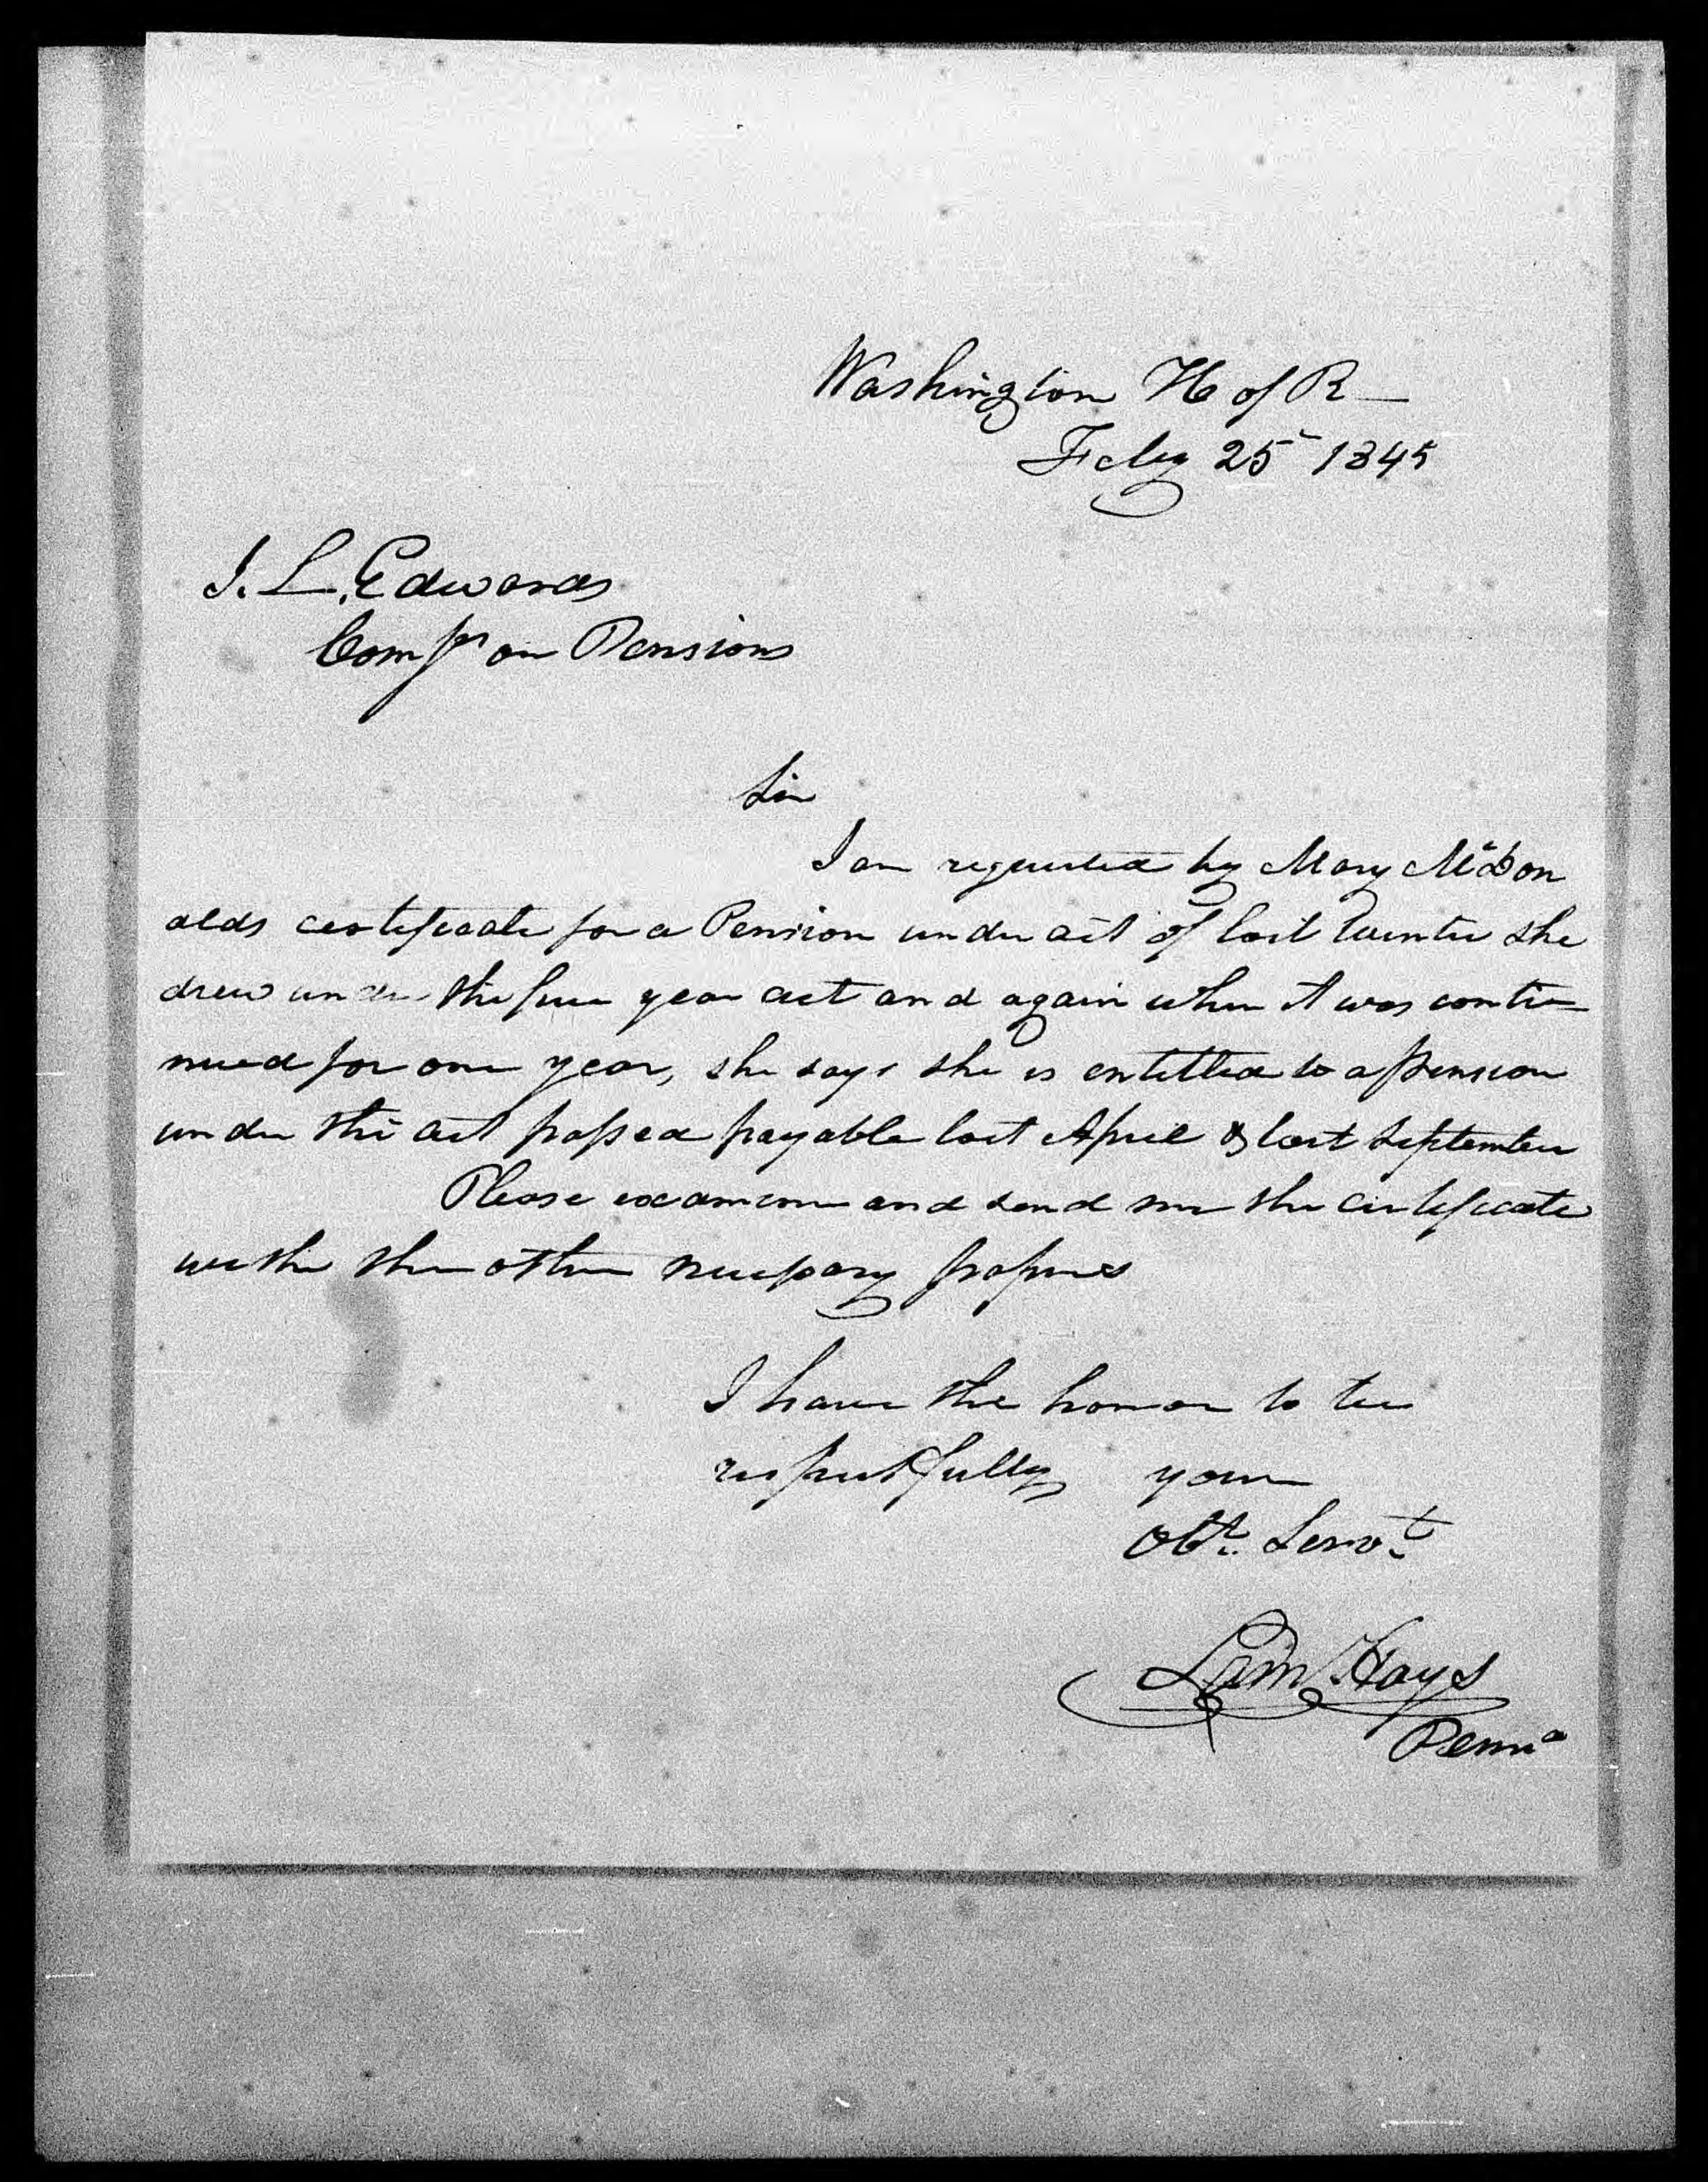Washington House of Representatives
Feby 25 1845
J.L. Edwards
Commissioner of Pensions
Sir
I am requested by Mary McDonalds certificate for a Pension under act of lost Painter she drew on the five year act and again when it was continued for one year, she says she is entitled to a pension under this Act passed payable last April and last September. 
Please examine and send me the certificate with the other necessary papers.
I have the honer to be Respectfully your Obt Servt
LM Hays
Pennsylvania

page: 35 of 59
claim: widow's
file: W 3703, for Robert Mc Donald, Pennsylvania